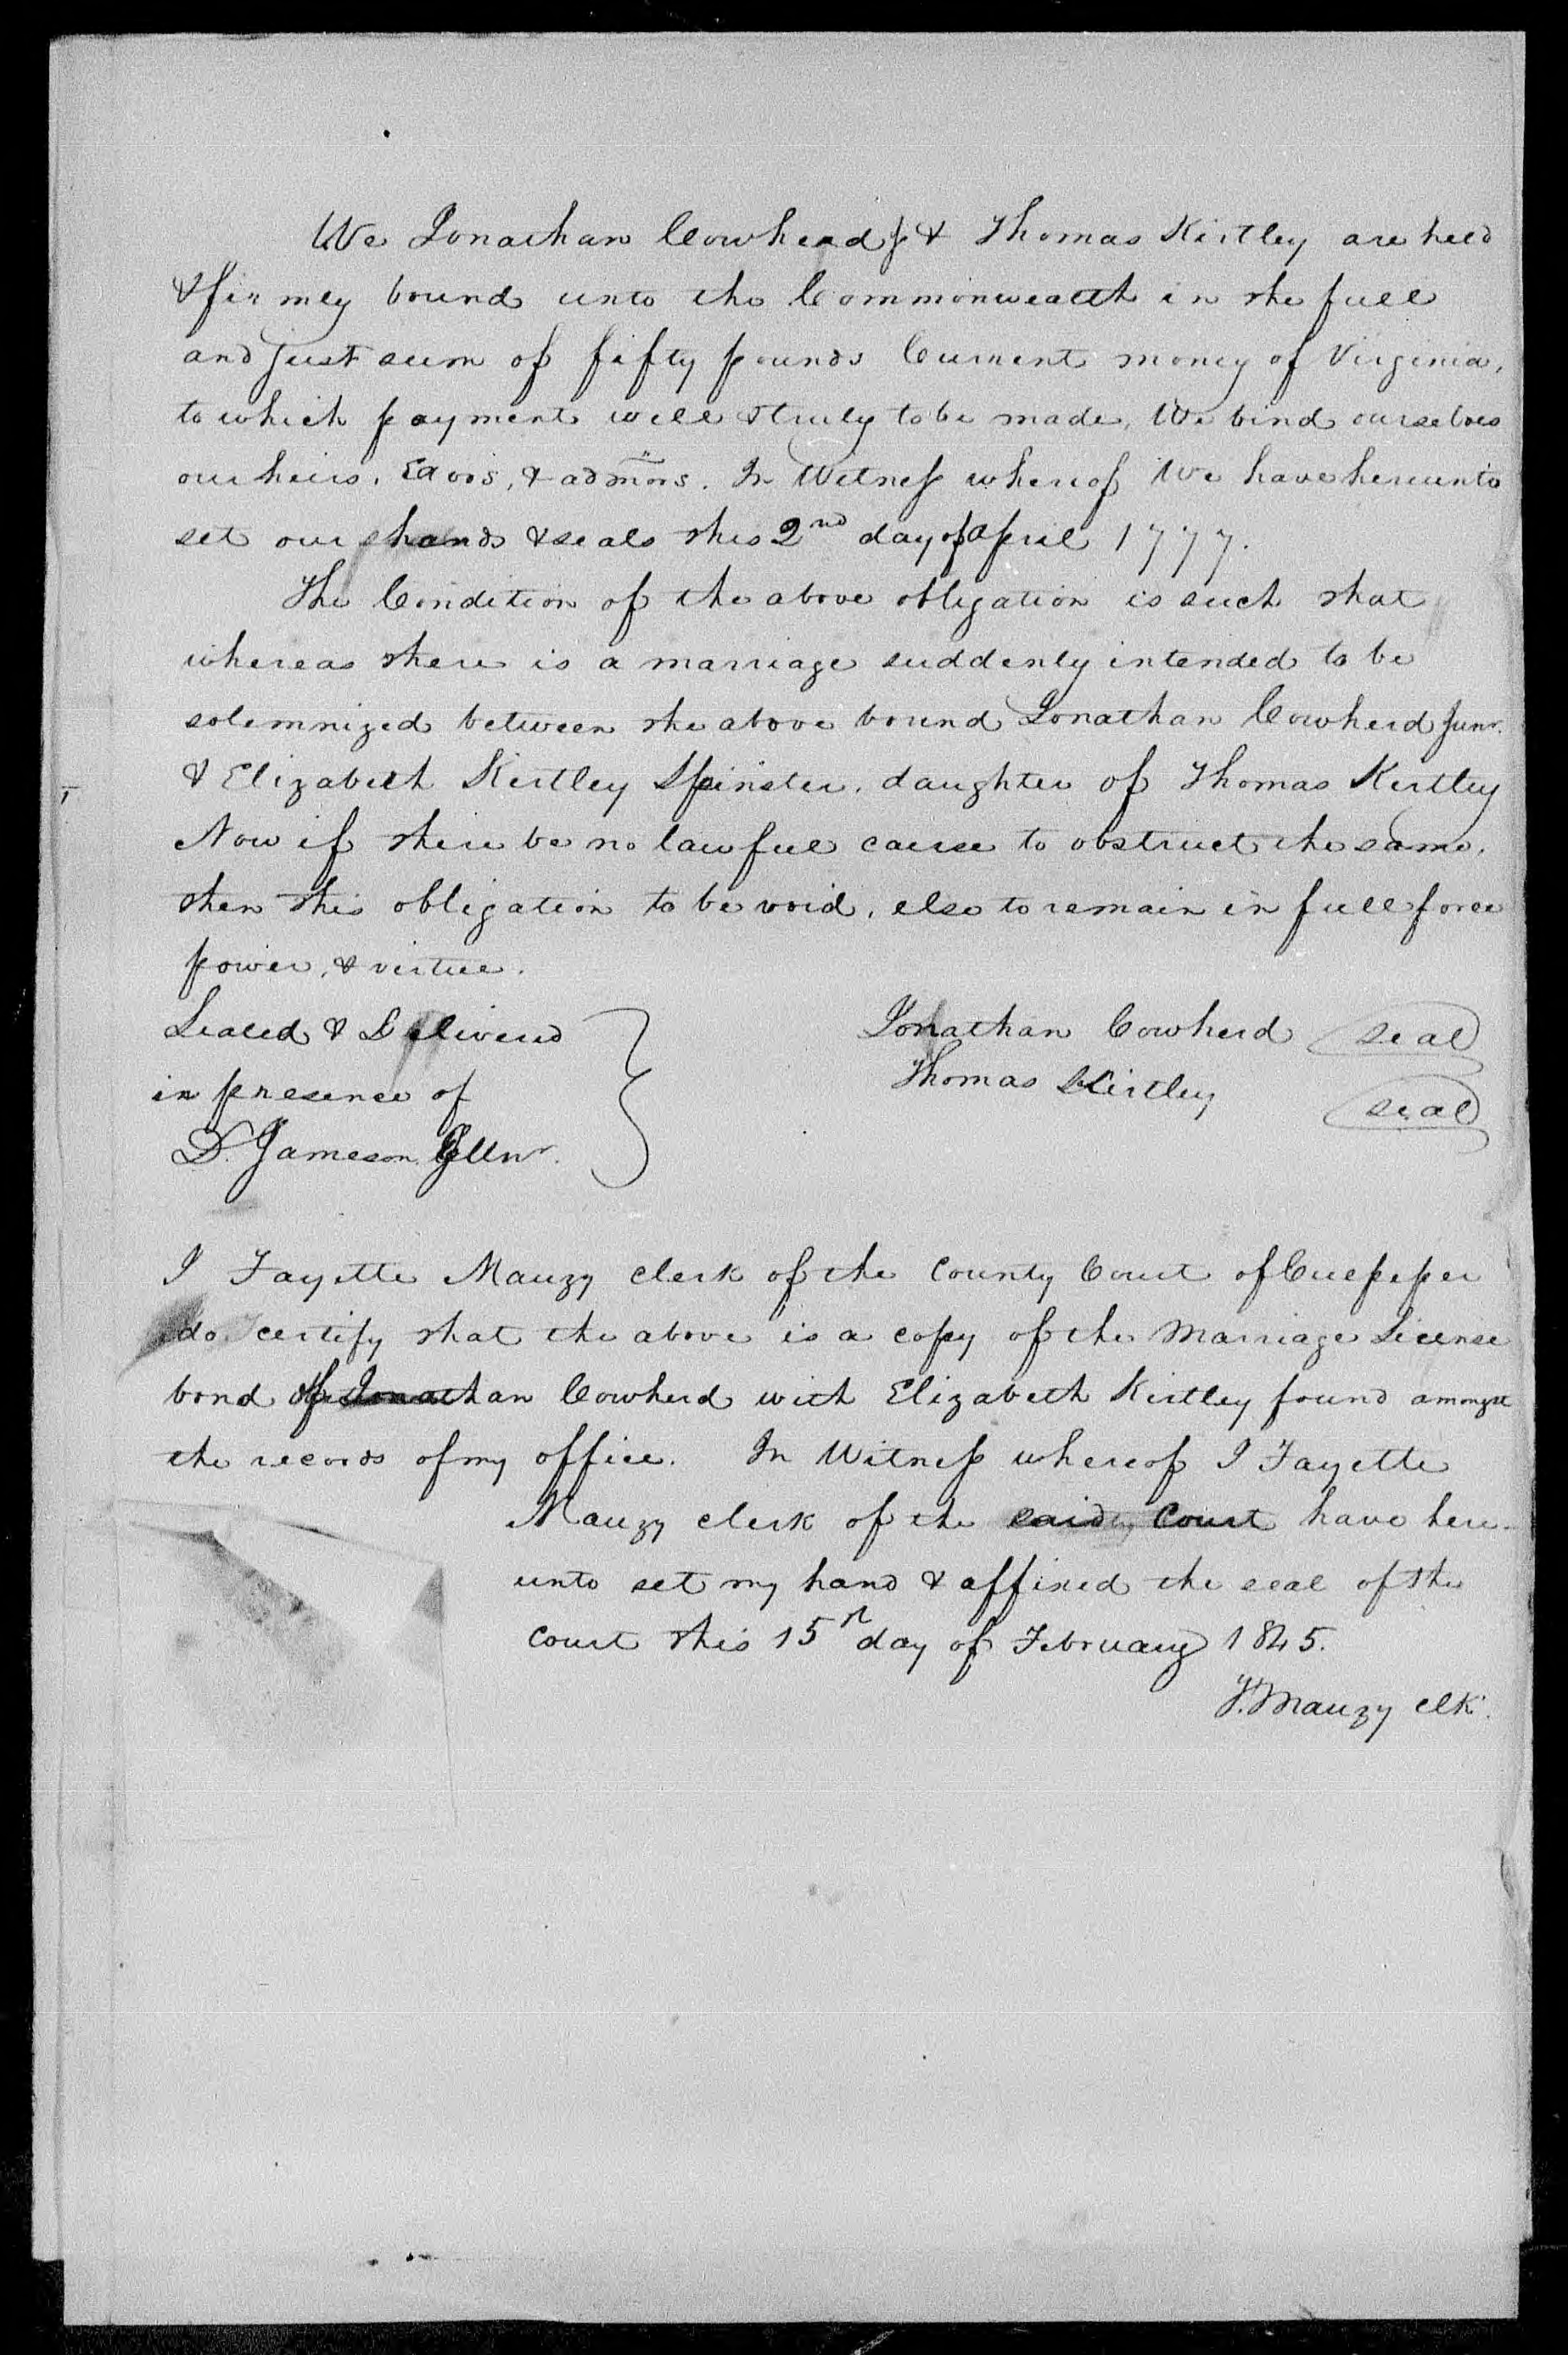We Jonathan Cowhead Jr [Junior] & Thomas Kirtley are held & firmly bound unto the Commonwealth in the full and just sum of fifty pounds Current money of Virginia, to which payment will & truly to be made, we bind ourselves our heirs, Exors [Executors] & admins [administrators]. In Witness whereof we have hereunto set our hands this the 2nd day of April 1777.
The Condition of the above obligation is such that whereas there is a marriage suddenly intended to be solemnized between the above bound Jonathan Cowherd Junr [Junior] & Elizabeth Kirtley Spinster, daughter of Thomas Kirtley
Now if there be no lawful cause to obstruct the same, then this obligation to be void, else to remain in full force power, & virtue.
Jonathan Cowherd [seal]
Thomas Kirtley [seal]
Sealed & Delivered in presence of D. Jameson  [illegible]
I Fayette Mauzy clerk of the County Court of Culpeper do certify that the above is a copy of the marriage License bond of Jonathan Cowherd with Elizabeth Kirtley found amongst
the records of my office. In Witness whereof I Fayette Mauzy clerk of the said Court have here unto set my hand & affixed the seal of the Court this 15th day of February 1845.
F. Mauzy clk[clerk]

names: Elizabeth Kirtley, Fayette Manzy, Jonathan Cowherd, Fayette Manzy, Thomas Kirtley, F Manzy, Jonathan Cowherd, Elizabeth Kirtley, Jonathan Cowherd, Jonathan Cowherd, Thomas Kirtley, D Jameson, Thomas Kirtley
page: 30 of 46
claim: widow's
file: W 8619, Jonathan Cowherd, Va.